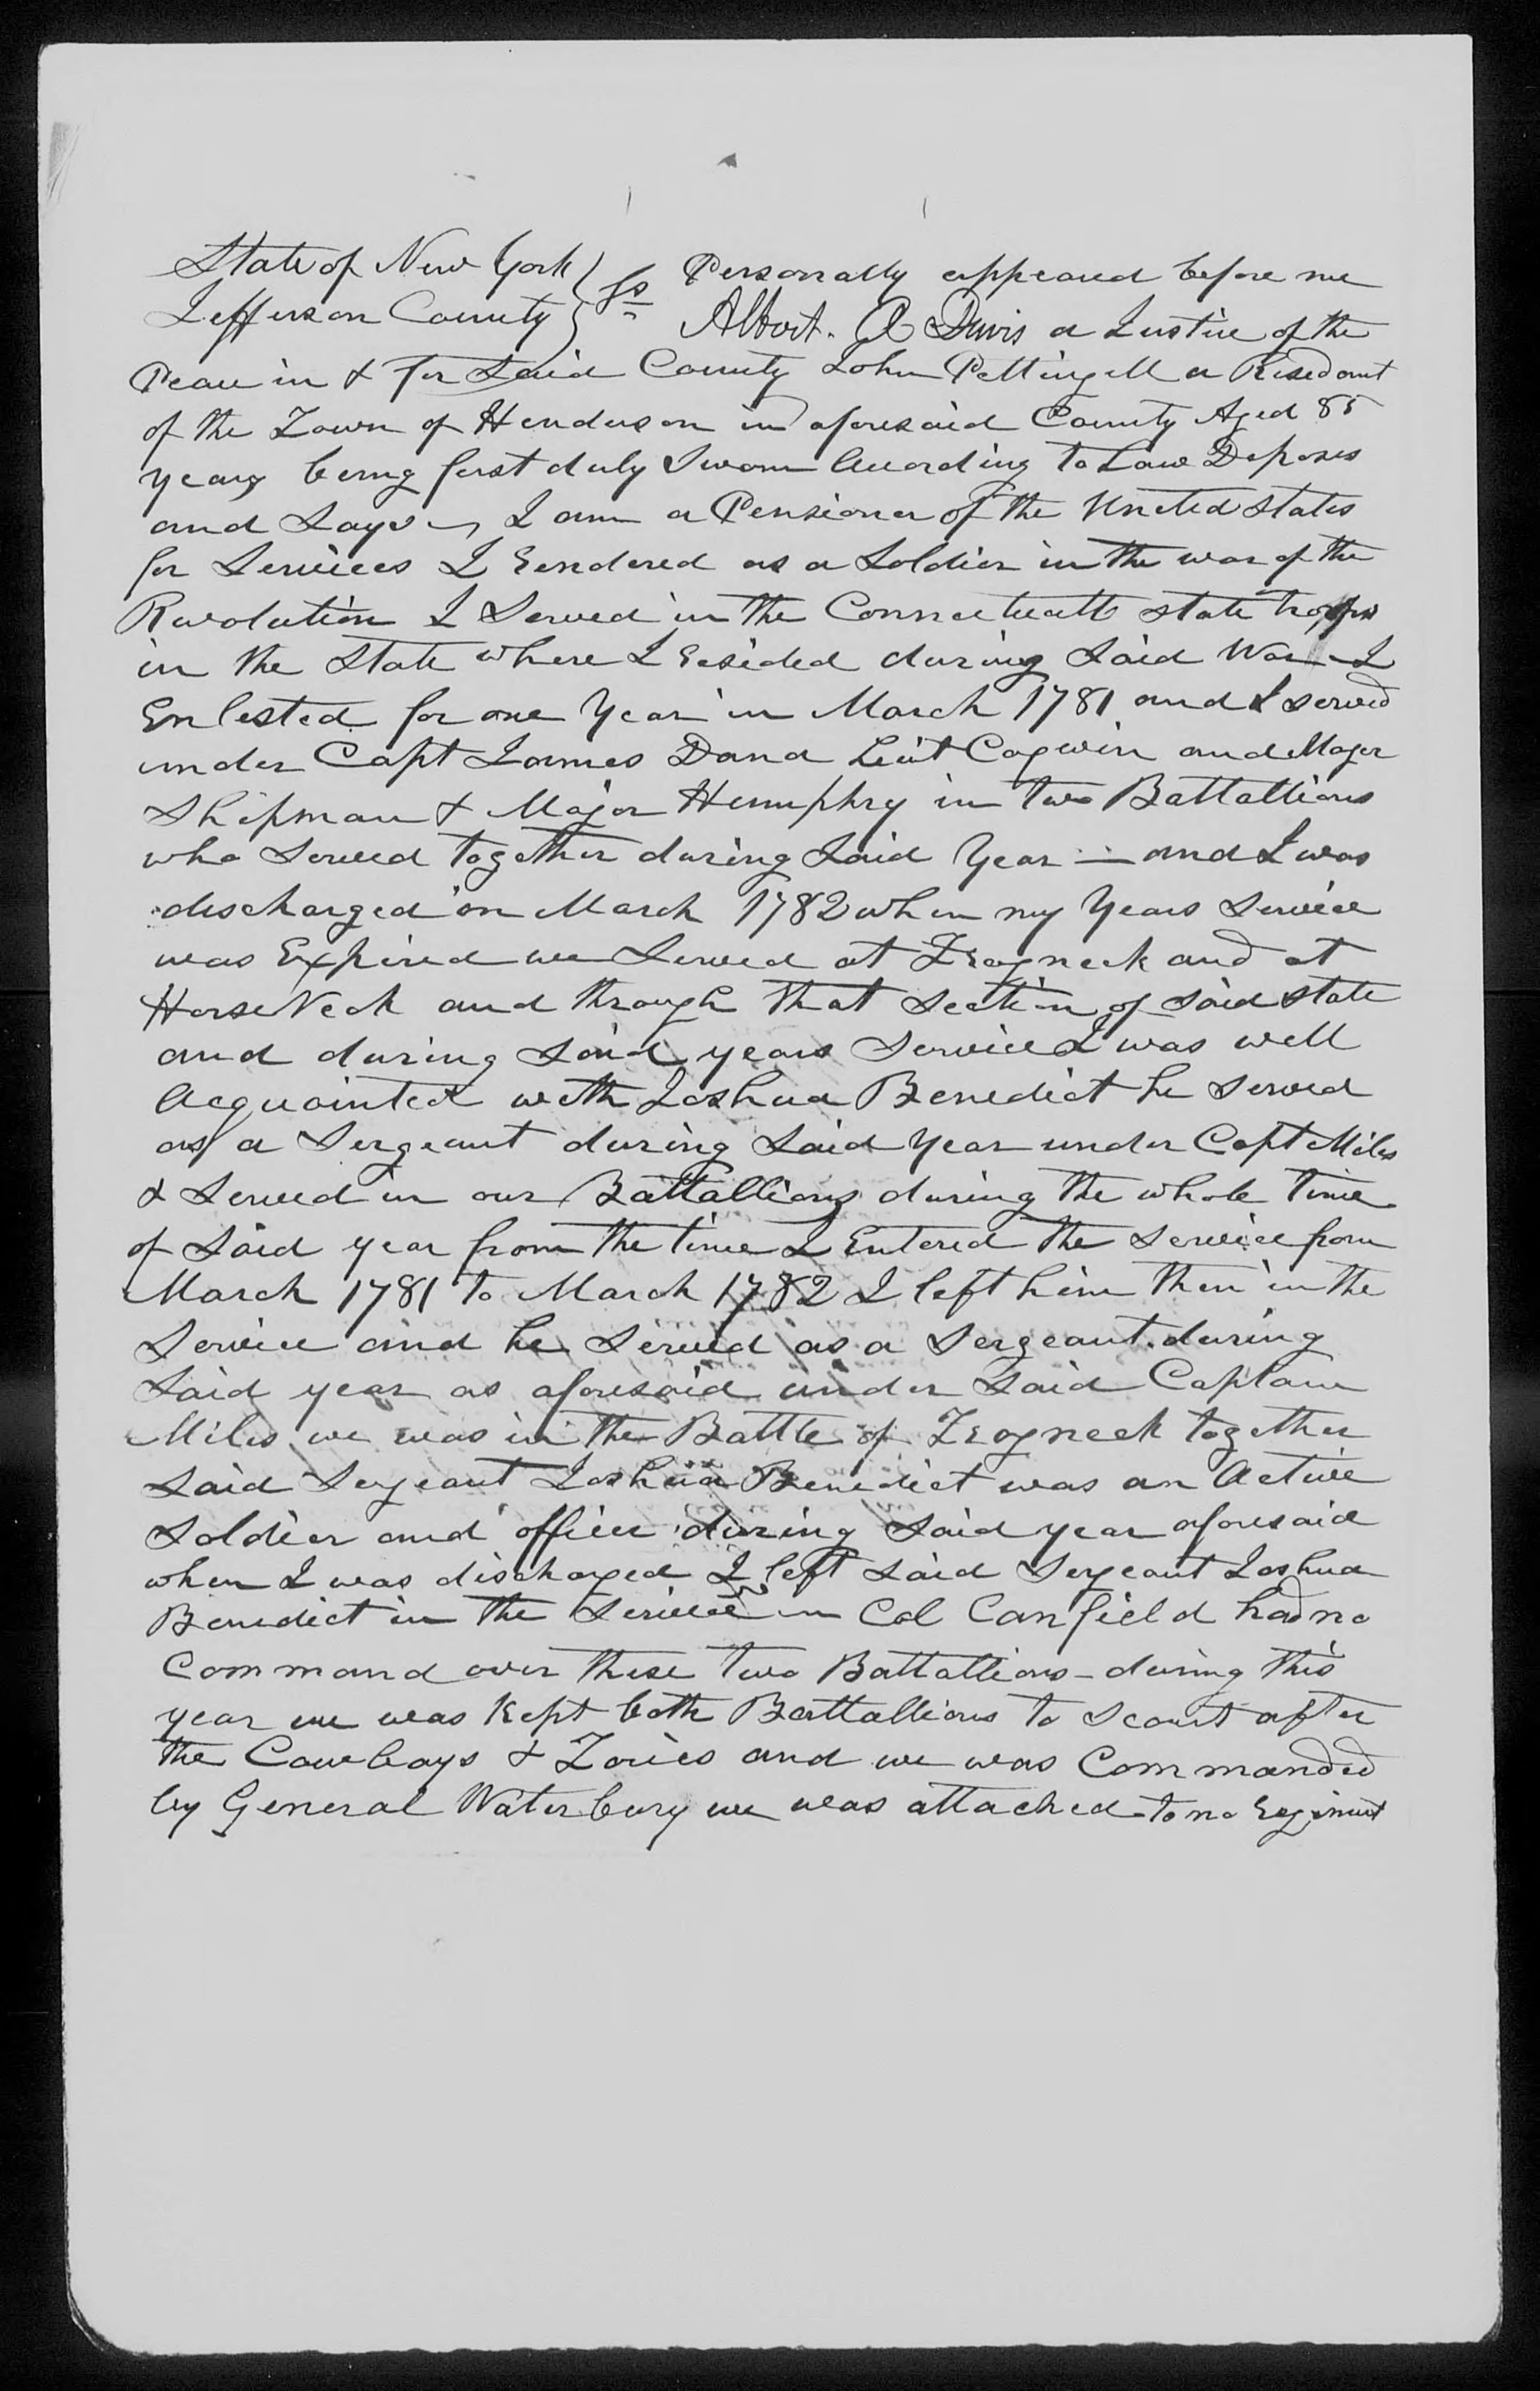State of New York
Jefferson County } Ss Personally appeared before me Albert A Davis a Justice of the Peace in & for said County John Pettingell a Resident of the Town of Henderson in aforesaid County Aged 85 years being first duly Sworn According to Law Deposes and Says ~ I am a Pensioner of the United Staets for Services I rendered as a Soldier in the war of the Revolution I served in the Connecticutt [Connecticut] state troops in the state where I resided during said War I Enlisted for one year in March 1781. and I served under Capt James Dana Lieut Coxwin and Major Shipman & Major Humphry [Humphreys] in two Battallions [battalions] who served together during said year - and I was discharged in March 1782 when my years service was Expired we served at Frogneck and at Horse Neck and through that section of said state and during said years service I was well Acquainted with Joshua Benedict he served as a Sergeant during said year under Capt Miles & served in our Battallions [battalions] during the whole time of said year from the time I Entered the service from March 1781 to March 1782 I left him then in the Service and he served as a sergeant during said year as aforesaid under said Captain Miles we was in the Battle of Frogneck together said sergeant Joshua Benedict was an active soldier and officer during said year aforesaid when I was discharged I left said Sergeant Joshua Benedict in the service ~ Col Canfield had no command over these two Battallions [battalions] - during this year we was kept both Battallions [battalions] to scout after the Cowboys & Tories and we was Commanded by General Waterbury we was attached to no regiment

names: Joshua Benedict, Shipman, Humphry, Joshua Benedict, Albert A Davis, Miles, James David, Waterbury, Joshua Benedict, John Pettingell, Canfield, Miles, Coxwin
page: 61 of 106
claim: survivor's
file: S 23,116., Joshua Benedict, Conn.